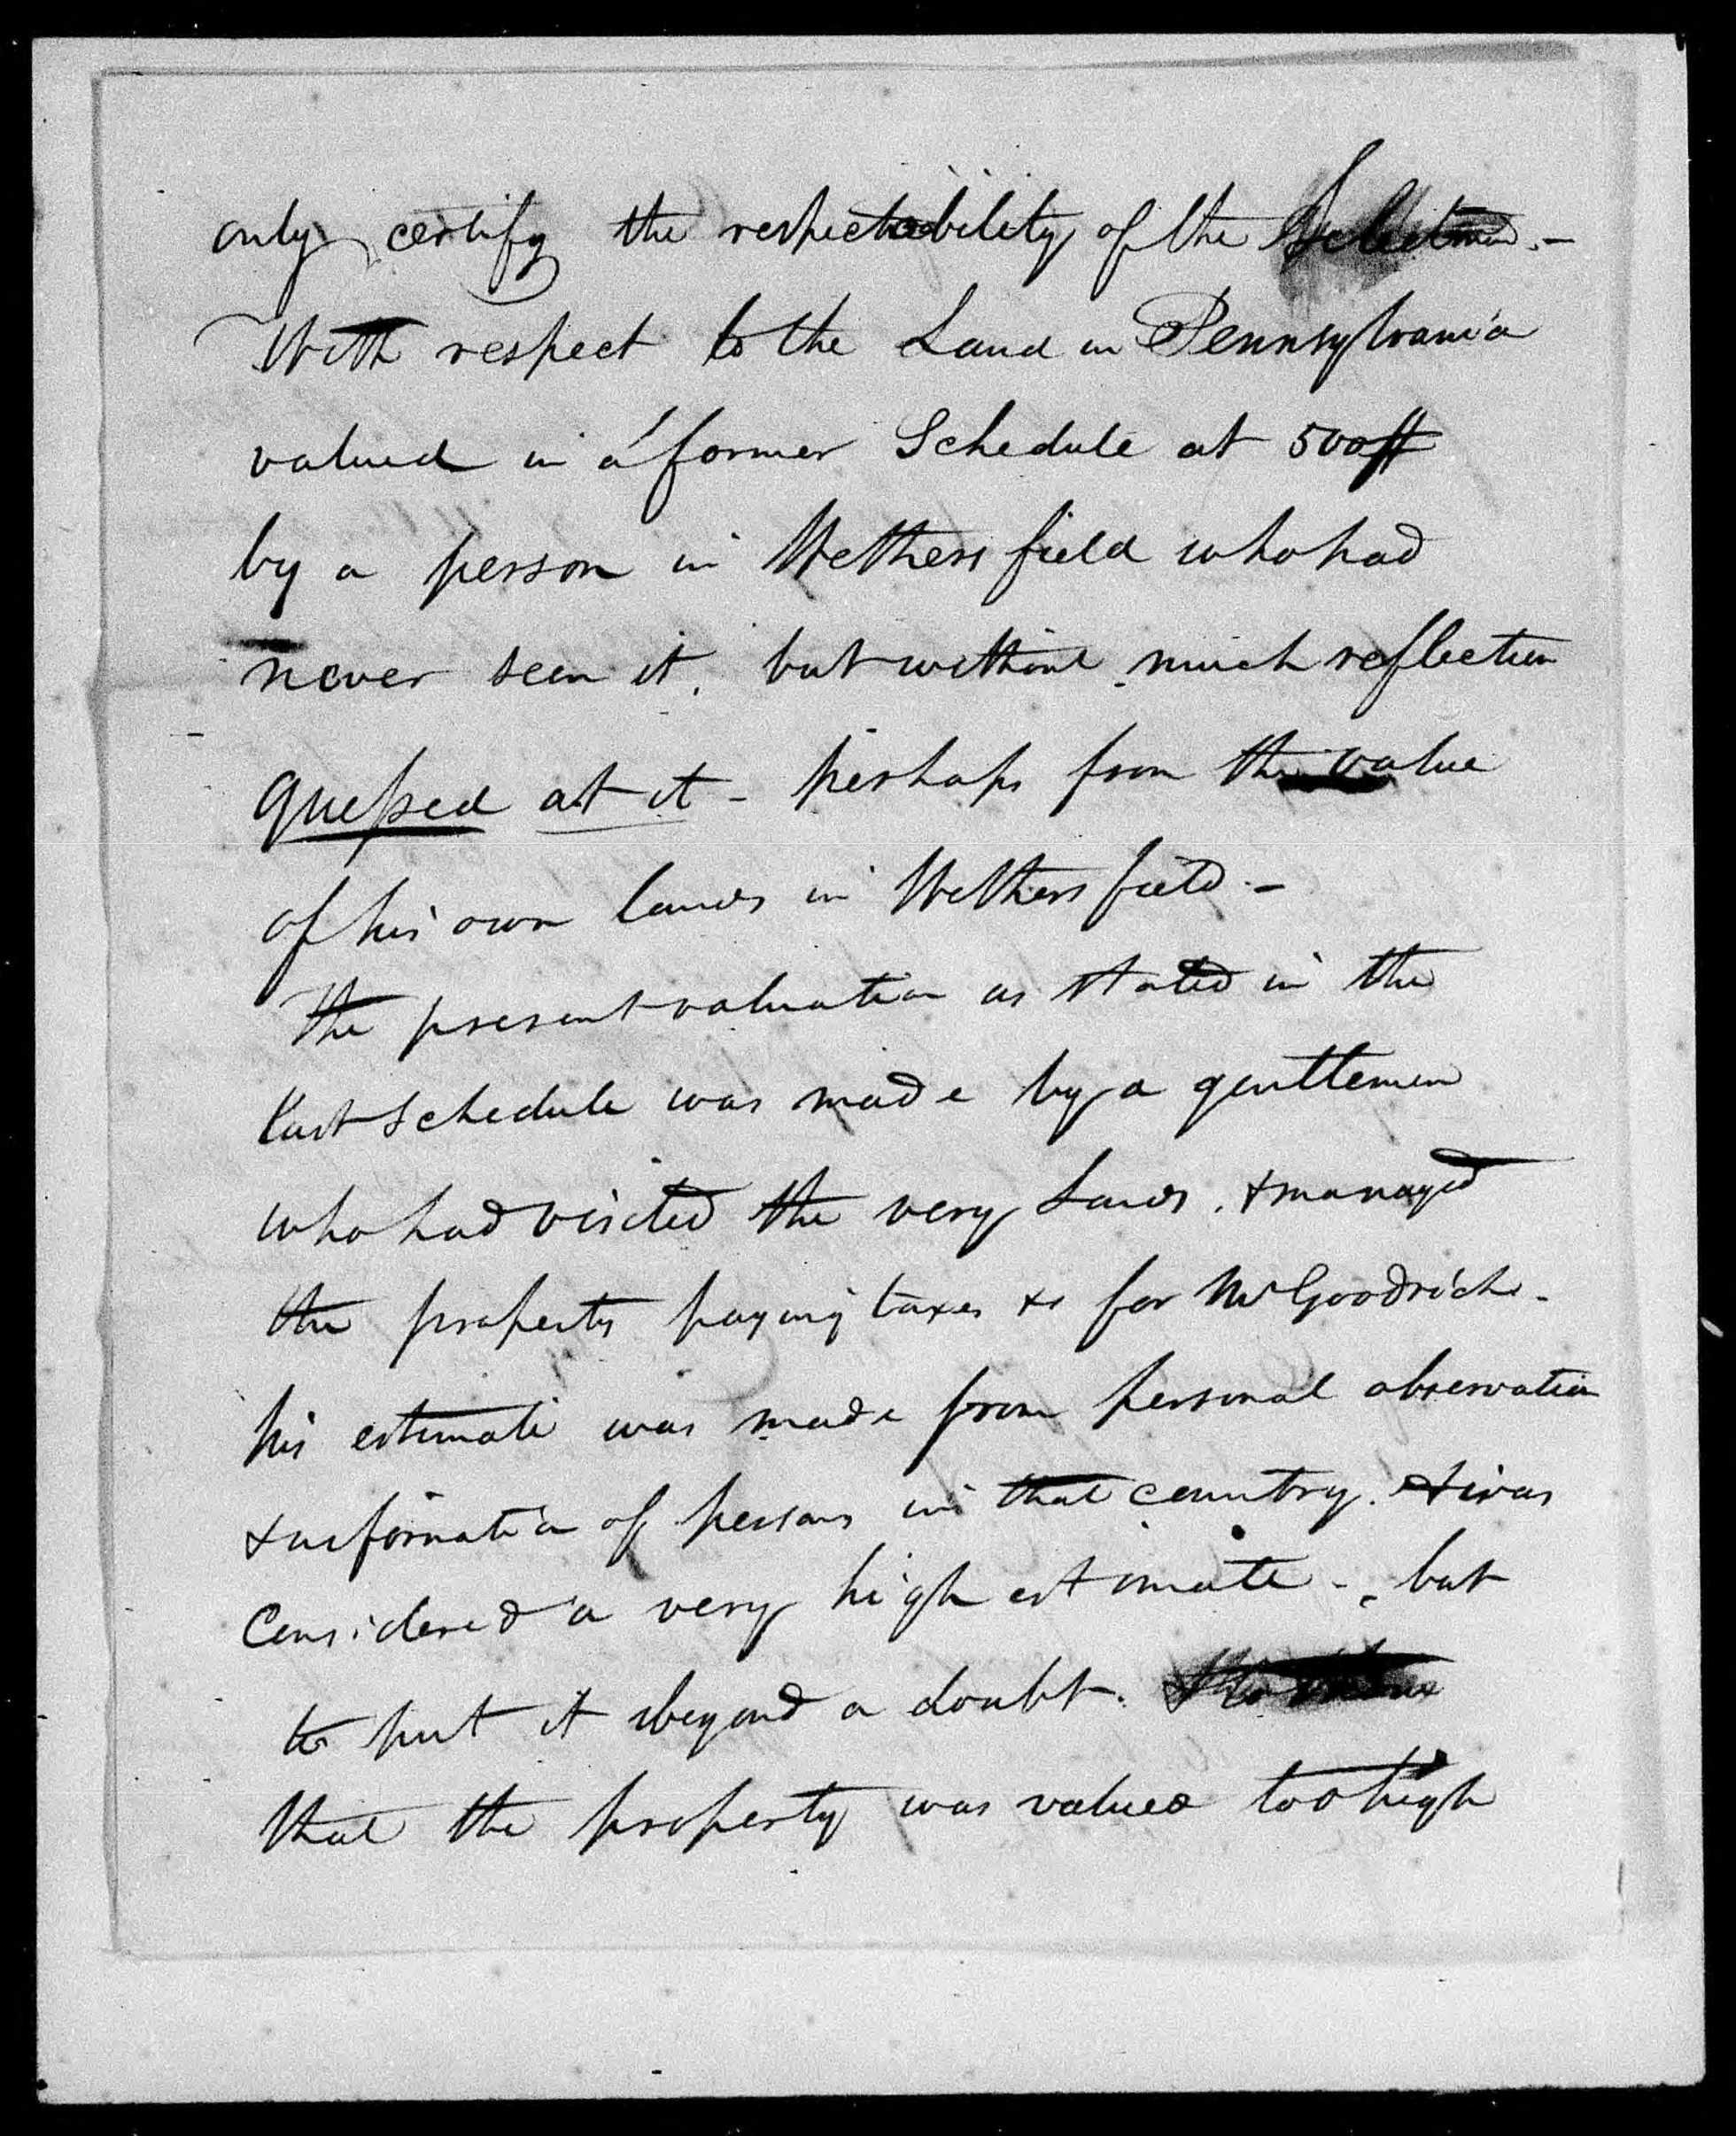only certify the respectability of the selectmen. With respect to the Land in Pennsylvania valued in a former schedule at $500 by a person in Wethersfield who had never seen it but without much reflection guessed at it, perhaps from that value of his own lands in Wethersfield - the present valuation as stated in this last schedule was made by a gentleman who had visited the very lands & managed the property paying taxes &c for Mr. Goodrich. His estimate was made from personal observation & information of persons in that country & was considered a very high estimate - but to put it beyond a doubt that the property was valued too high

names: Goodrich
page: 42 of 46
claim: survivor's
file: S. 36,556, Ichabod Goodrich, Conn.